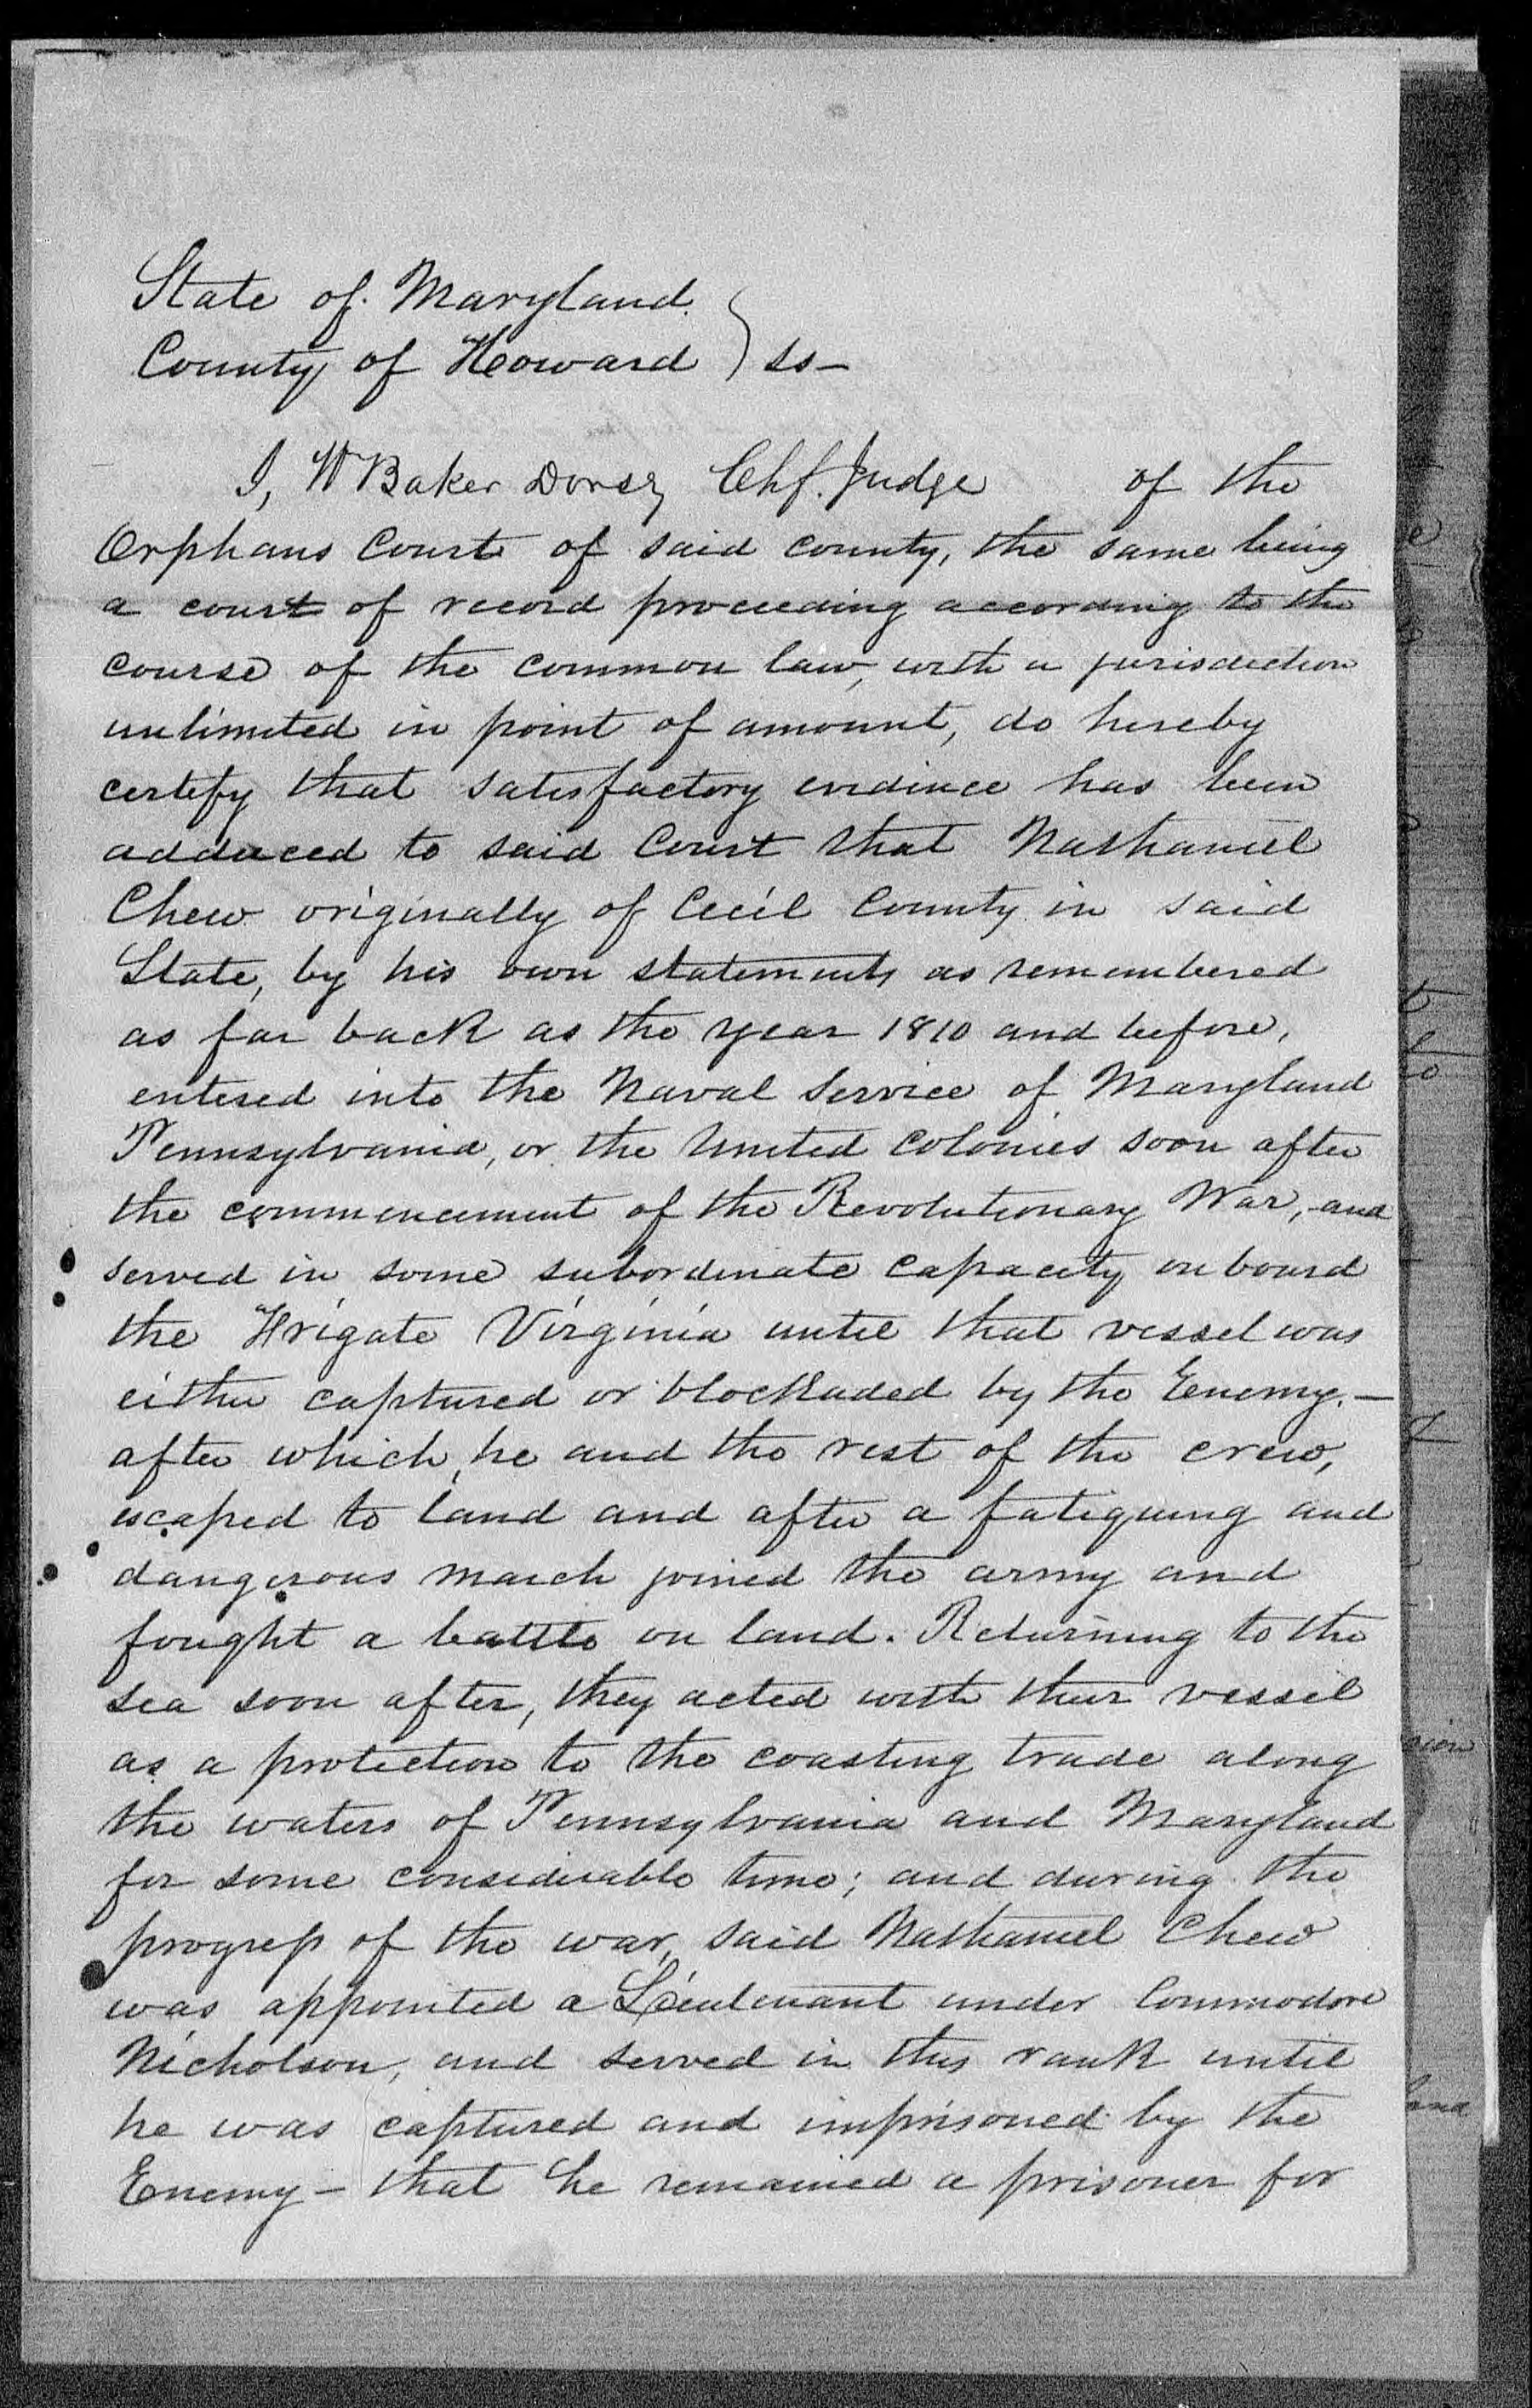State of Maryland)
County of Howard). Ss-
I, W Baker Dorsy Chf. Judge of the
Orpahns Court of said county, the same being
a court of record proceeding according to the
course of the common law, with a jurisdiction
unlimited in point of amount, do hereby
certify that satisfactory evidence has been 
adduced to said Court that Nathaniel
Chew originally of Cecil County in said
State, by his own statements as remembered
as far back as the year 1810 and before,
entered into the Naval Service of Maryland
Pennsylvania, or the United Colonies soon after 
the commencement of the Revolutionary War, and
Served in some subordinate capacity on board
the Frigate Virginia until that vessel was
either captured or blockaded by the Enemy.-
after which he and the rest of the crew,
escaped to Land and after a fatiguing and 
dangerous march joined the army and 
fought a battle on land. Returning to the 
Sea soon after, they acted with turs vessel
as a protection to the coasting trade along
the waters of Pennsylvania and Maryland
for some considerable time; and during the
progress of the war, said Nathaniel Chew
was appointed a Lieutenant under Commodore
Nicholson, and served in this vaunt until
he was captured and imprisoned by the
Enemy - that he remained a prisoner for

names: W Baker Dorsy, Nathaniel Chew, Nathaniel Chew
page: 10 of 59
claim: widow's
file: W. 9383, Nathaniel Chew, Navy (Md.)